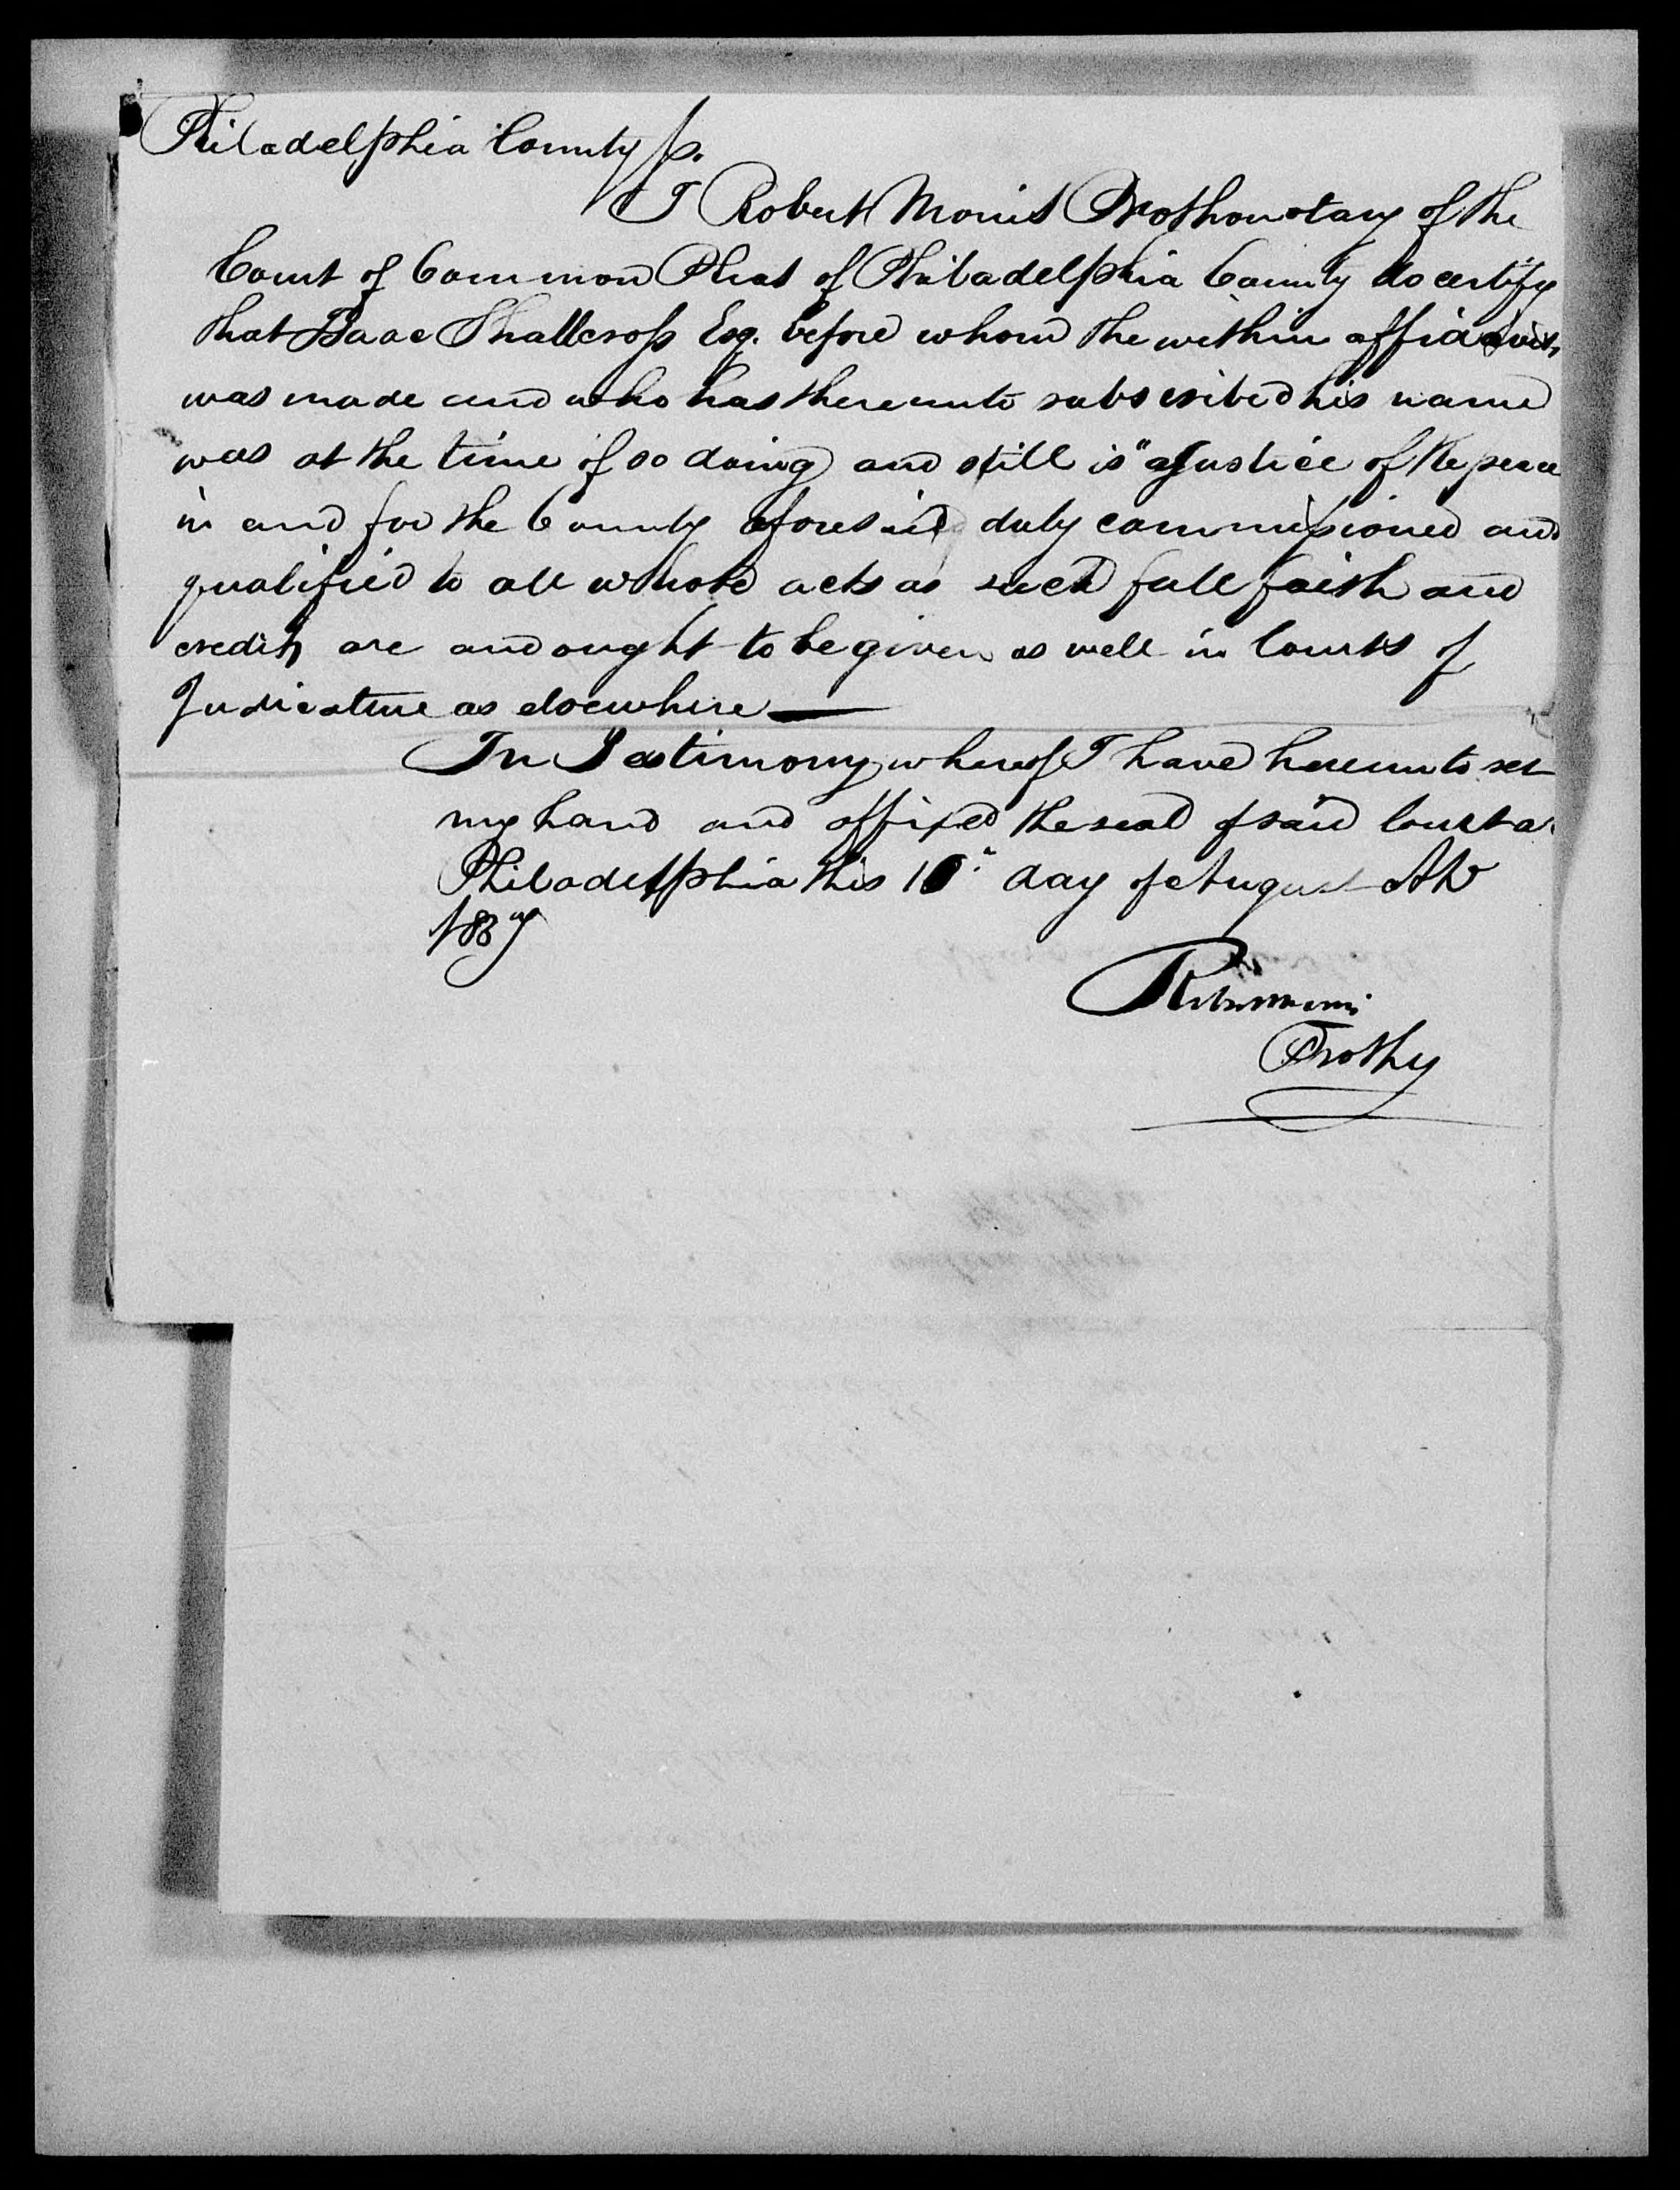Philadelphia County 

I Robert Morris Prothonotary of the Court of Common Pleas of Philadelphia County do certify that Isaac Shallcross Esq before whom the within affidavit was made and who has thereunto subscribed his name was at the time of so doing and still is Justice of the peace in and for the County aforesaid duly commissioned and qualified to all who acts as such full faith and credit are and ought to be given as well in Court of Judicature as elsewhere. 

In testimony whereof I have herein to see my hand and affixed the seal of said Court at Philadelphia this 10 day of August A.D. 1834
Robert Morris Prothy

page: 70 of 86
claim: widow's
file: W. 3571, for David Marshall, Pennsylvania